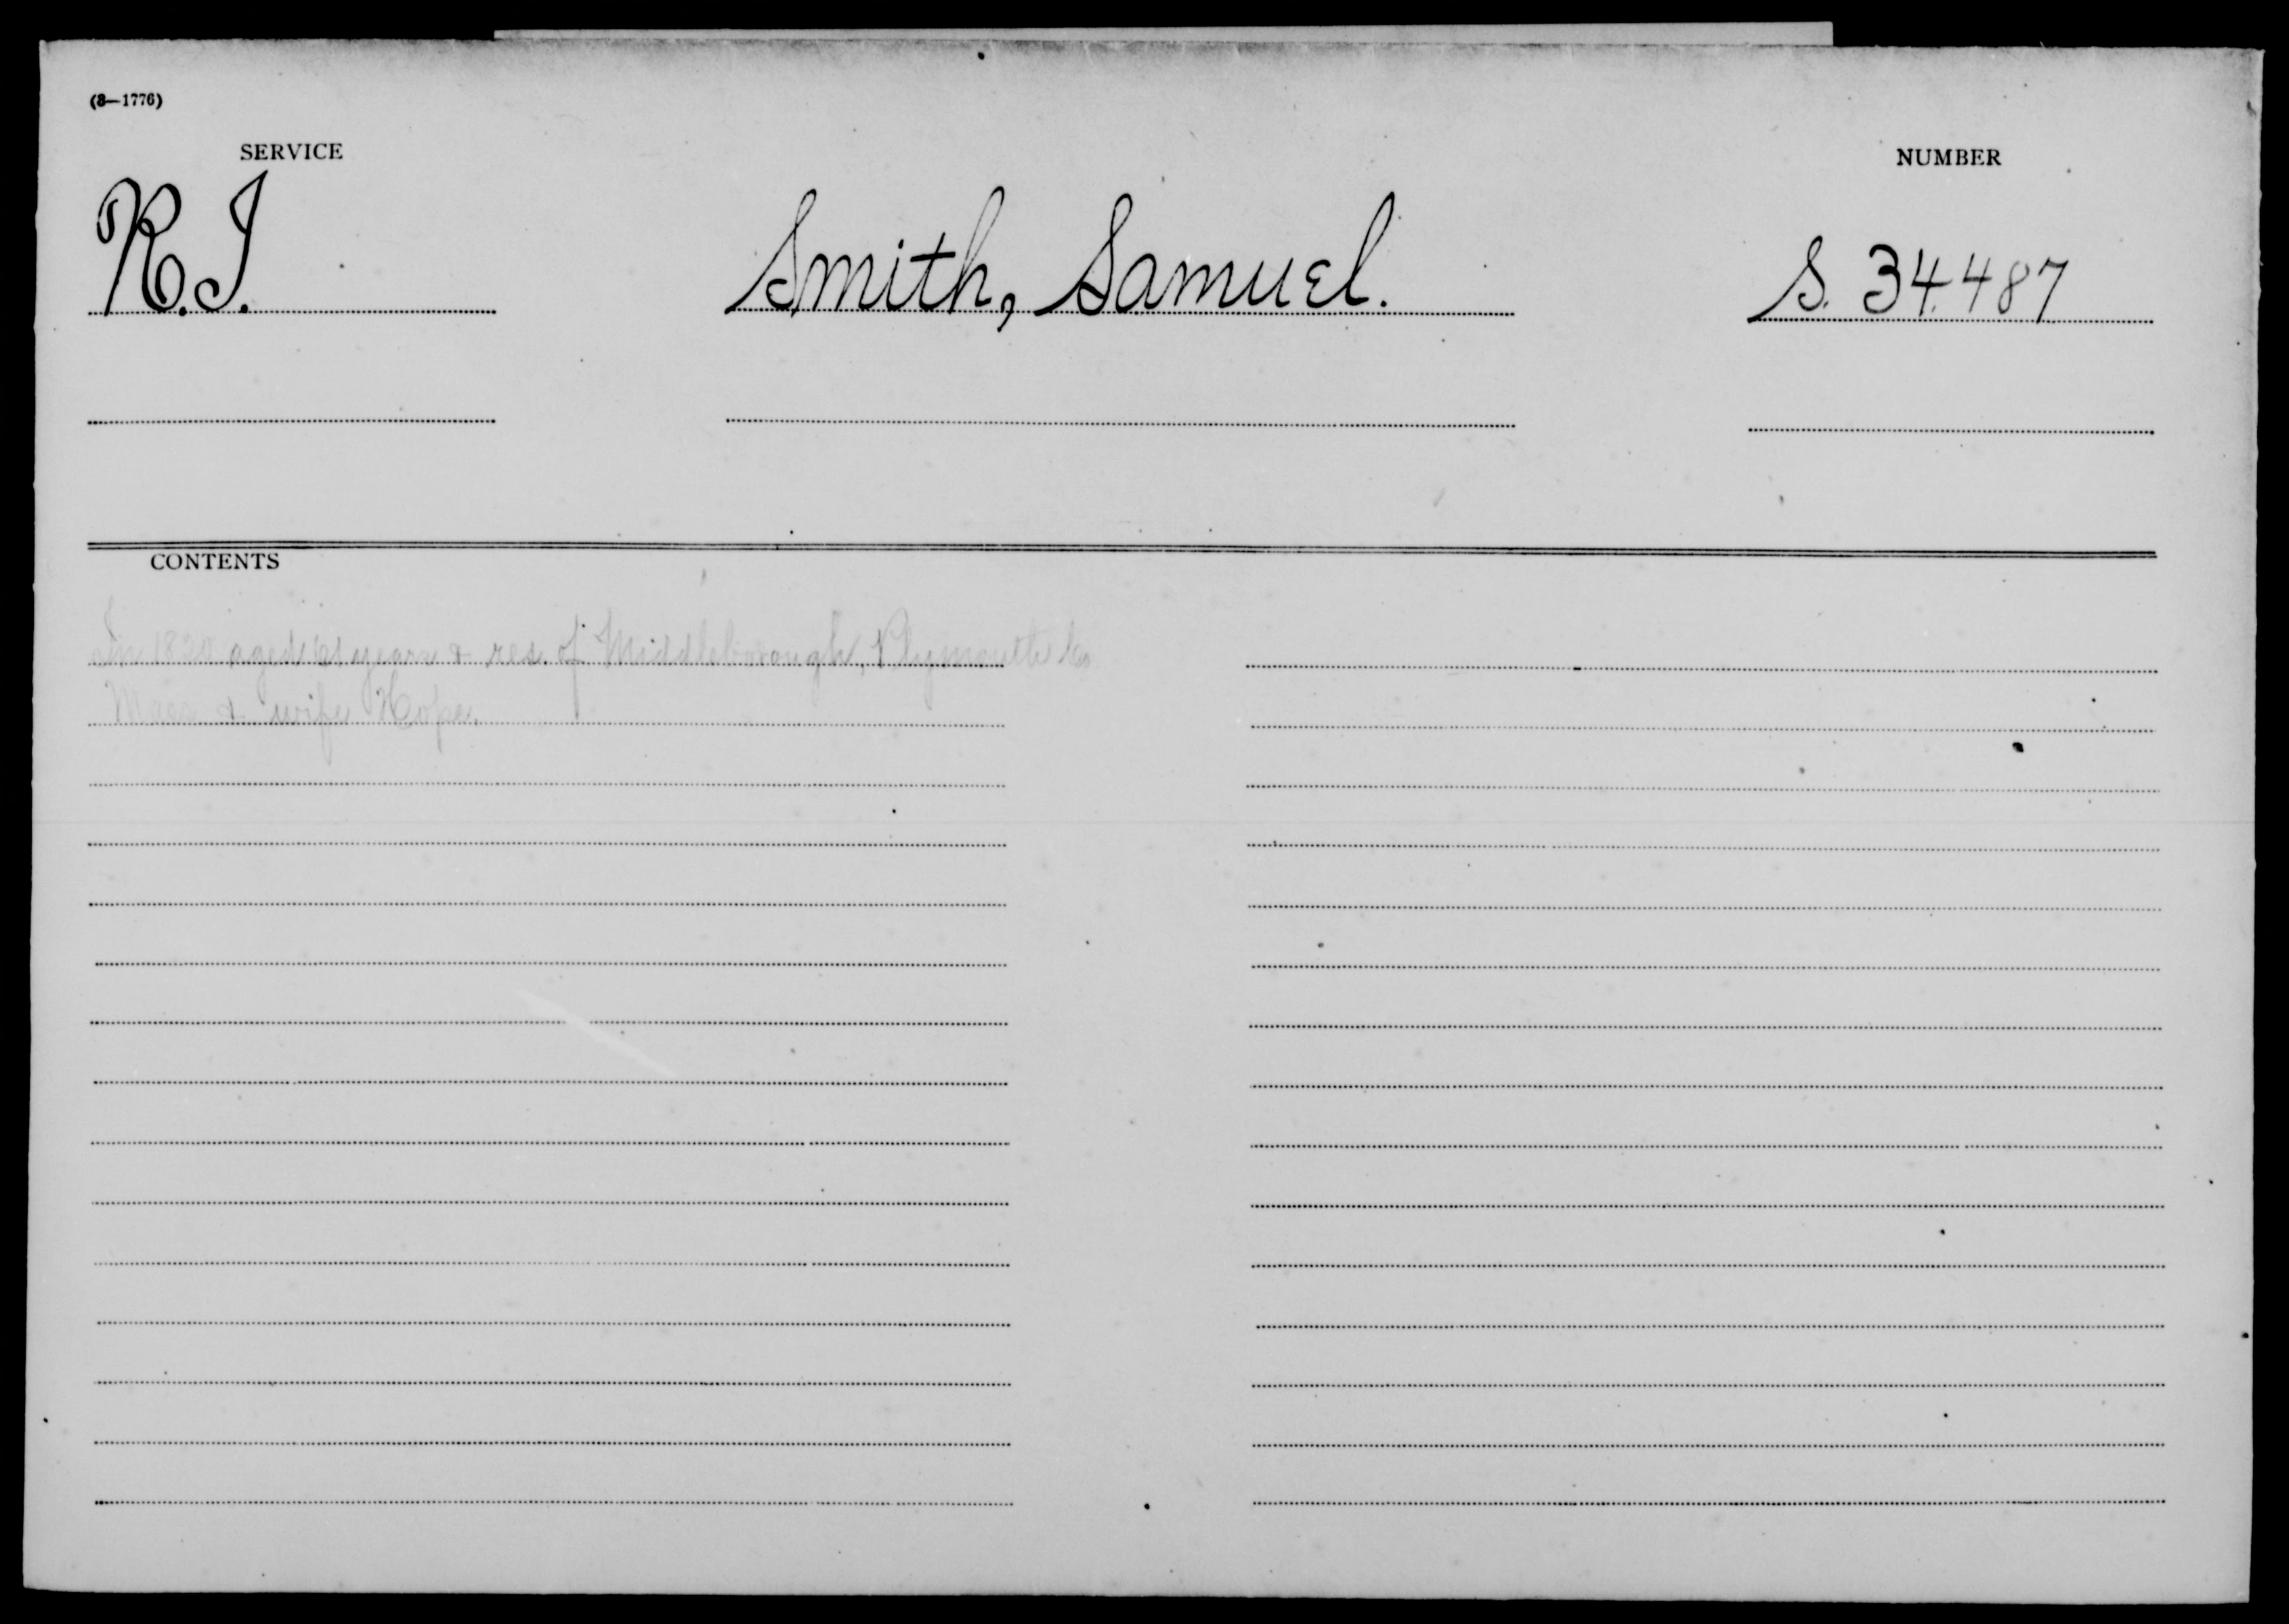(8-1776)
SERVICE  R. I.
Smith, Samuel.
NUMBER  S.34.487
CONTENTS
In 1820 aged 61 years and res. of Middleborough, Plymouth Co. Mass. and wife Hope.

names: Hope [BLANK]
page: 1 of 14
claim: survivor's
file: S. 34,487, for Samuel Smith, Rhode Island